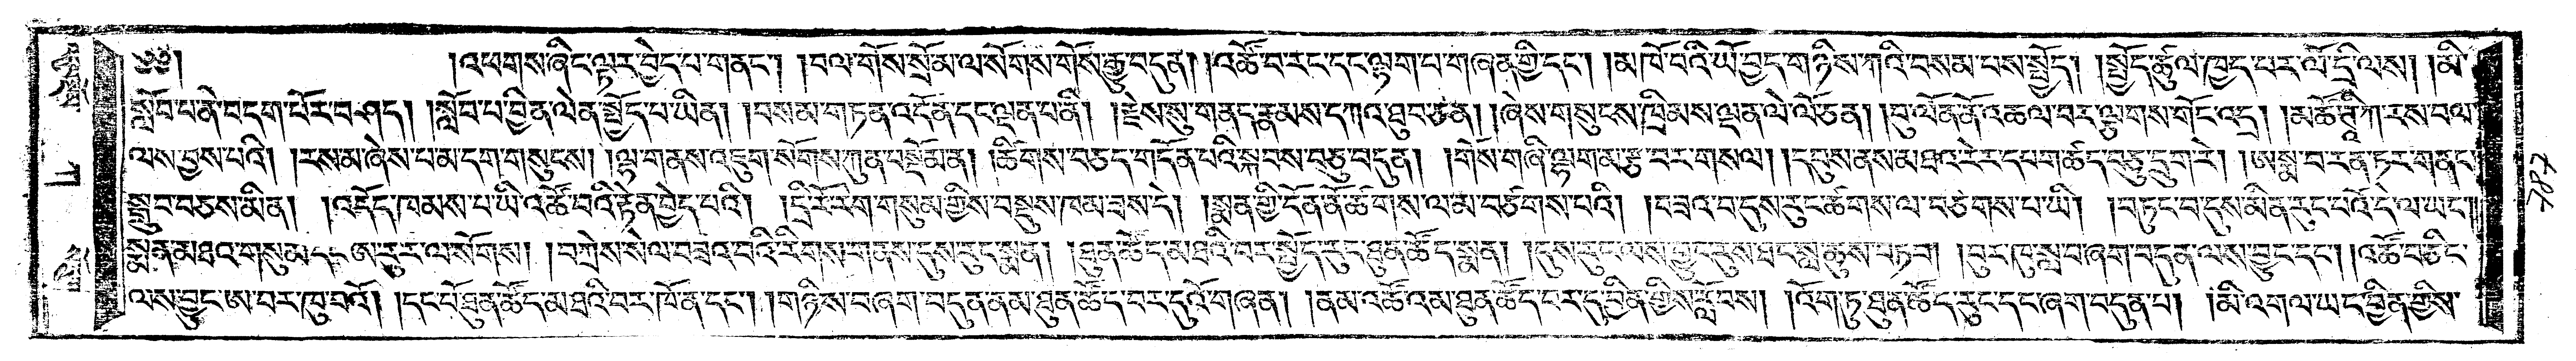༄༅། །འཕགས་ཞིང་ལྟར་བྱེད་པ་གནང་། །བལ་གོས་སྲོ་མ་ལ་སོགས་གོས་རྒྱུ་བདུན། །འཚོ་བ་རང་དང་ལྷག་པ་གཞན་གྱི་དང་། །མཁོ་བའི་ཡོ་བྱད་གཉིས་ཀའི་བསམ་པས་སྤྱོད། །སྤྱོད་ཚུལ་ཁྱད་པར་ལོ་དྲི་ལས། །མི་
སློབ་པ་ནི་བདག་པོར་བཤད། །སློབ་པ་བྱིན་ལེན་སྤྱོད་པ་ཡིན། །བསམ་གཏན་འདོན་དང་ལྡན་པ་ནི། །རྗེས་སུ་གནད་རྣམས་དཀའ་ཐུབ་ཅན། །ཞེས་གསུངས་ཁྲིམས་ལྡན་ལེ་ལོ་ཅན། །བུ་ལོན་ནོ་འཆལ་བར་ལྕགས་གོང་འདྲ། །མཚོ་ཊཱིཀ་རས་བལ་
ལས་བྱས་པའི། །རས་མ་ཞེས་པ་མ་དག་གསུངས། །ལྷ་གནས་འཇུག་སོགས་ཀུན་བསྡོམ་ན། །ཚིགས་བཅད་གདོན་པའི་སྐབས་བཅུ་བདུན། །གོས་གཞི་ལྷག་མ་རྩ་བར་གསལ། །དབུས་ནས་མཐའ་རེར་དཔག་ཚད་བཅུ་དྲུག་རེ། །ཨསྨ་བ་རན་ཏར་གནང་
སྒྲུབ་བཅས་མིན། །འདོད་ཁམས་པ་ཡི་འཚོ་བའི་རྟེན་བྱེད་པའི། །དྲོ་རོ་རེག་གསུམ་གྱིས་བསྡུས་ཁམ་ཟས་དེ། །སྨན་གྱི་དོན་ནོ་ཚགས་ལ་མ་བཙགས་པའི། །བཟའ་བ་དུས་རུང་ཚགས་ལ་བཅགས་པ་ཡི། །བཏུང་བ་དུས་མིན་དུང་པའོ་དེ་ལ་ཡང་།
སྨན་མཐའ་གསུམ་དང་ཨ་རུར་ལ་སོགས། །བཀྲེས་སེལ་བཟའ་བའི་རིགས་གནས་དུས་དུང་སྨན། །ཐུན་ཚོད་མཐའི་བར་སྤྱོད་རུང་ཐུན་ཚོད་སྨན། །དུས་རུང་ལས་བྱུང་རུས་ཐང་སླ་ཆུས་བཏབ། །བུར་ཁུ་སླ་བཞག་བདུན་ལས་བྱུང་དང་། །འཚོ་བཅིང་
ལས་བྱུང་ཨ་བར་ཁུ་བའོ། །དང་པོ་ཐུན་ཚོད་མཐའི་བར་ཁོ་ན་དང་། །གཉིས་བཞག་བདུན་ནམ་ཐུན་ཚོད་བར་དུའོ་གཞན། །ནམ་འཚོ་འམ་ཐུན་ཚོད་བར་དུ་བྱིན་གྱིས་རློབས། །འོག་ཏུ་ཐུན་ཚོད་རུང་དང་ཞག་བདུན་པ། །མི་འགལ་ཡང་བྱིན་གྱིས་